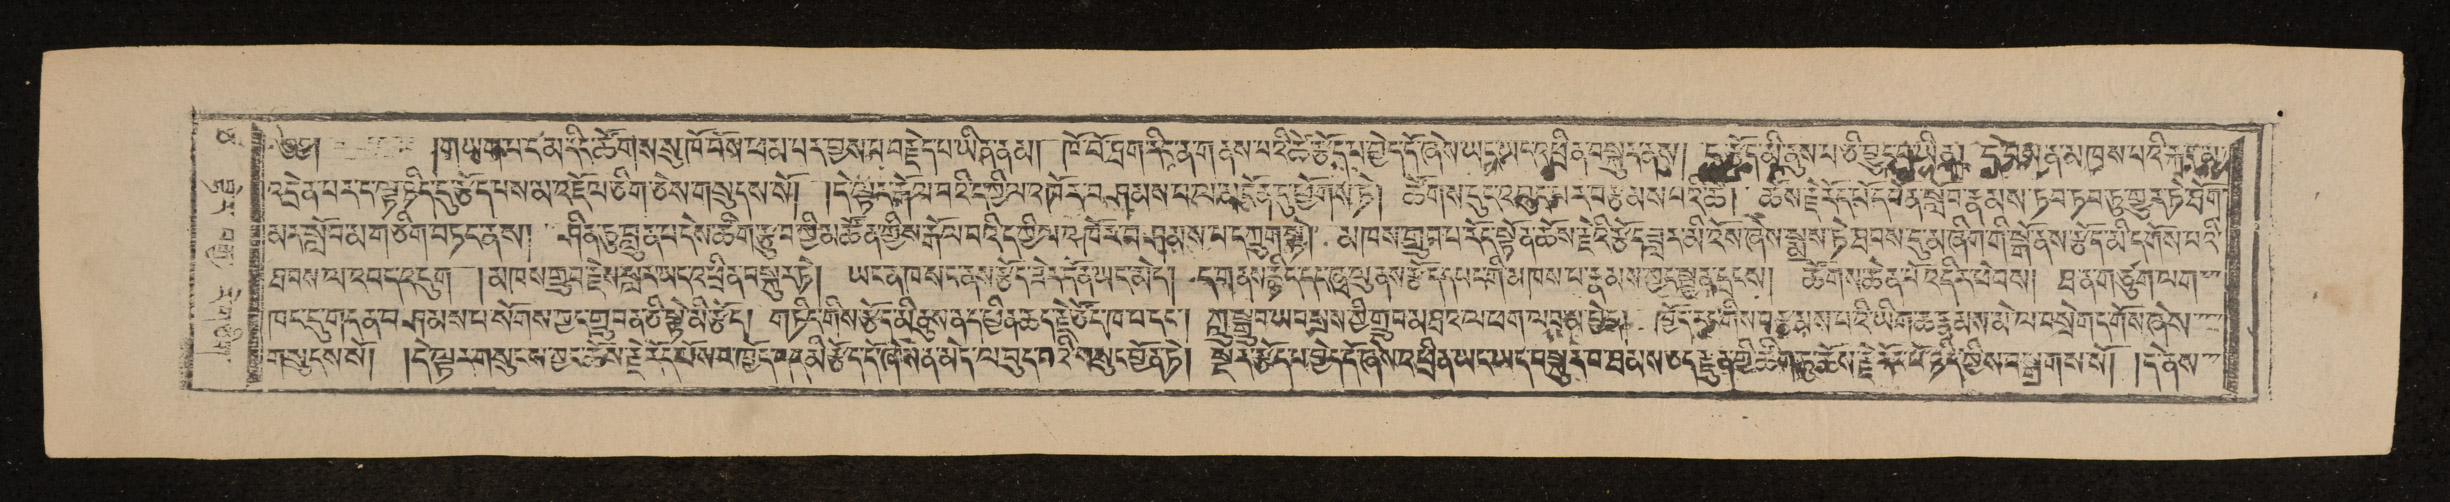༄༅། །གཡག་པ་དམ་རིང་ཚོགས་སུ་ཁོ་བོས་ཕམ་པར་བྱས་བ་བརྗེད་པ་ཡིན་ནམ། ཁོ་བོ་ཐག་རིང་ན་གནས་པའི་ཚེ་རྩོད་པ་བྱེད་དོ་ཞེས་ཡང་ཡང་འཕྲིན་བསྐུར་ནས། ད་རྩོད་མི་ནུས་པ་ཅི་བྱུང་བ་ཡིན། དེ་བས་ན་མཁས་པའི་རྐང་མ་
འདྲེན་པར་ད་ལྟ་ཉིད་དུ་རྩོད་པས་མ་འཇོལ་ཅིག་ཅེས་གསུངས་སོ། །དེ་ལྟར་རྒོལ་བའི་དཀྱིལ་འཁོར་བཤམས་པ་ལ་མངོན་དུ་ཕྱོགས་ཏེ། ཚོགས་དུང་འབུད་པར་བརྩམས་པའི་ཚེ། ཆོས་རྗེ་རོང་པོ་དཔོན་སློབ་རྣམས་ཏབ་ཏབ་ཏུ་གྱུར་ཏེ་ཐེག་
མར་སློབ་མ་གཅིག་བཏང་ནས། ཤིན་ཏུ་བླུན་པ་དེས་ཚིག་རྩུབ་ཀྱི་མཚོན་གྱིས་རྒོལ་བའི་དཀྱིལ་འཁོར་བཤམས་པ་དཀྲུག་སྟེ། མཁས་གྲུབ་པ་རོང་སྟོན་ཆོས་རྗེའི་རྩོད་ཟླར་མི་འོས་ཞེས་སྨྲས་ཏེ་ཐབས་དུ་མ་ཞིག་གི་སྒོ་ནས་རྩོད་མི་དགོས་པའི་
ཐབས་ལ་འབད་འདུག །མཁས་གྲུབ་རྗེས་སླར་ཡང་འཕྲིན་བསྐུར་ཏེ། ཡང་ན་ཁ་སང་ནས་རྩོད་ཟེར་དོན་ཡང་མེད། ད་གནས་རྙིང་དང་ཞྭ་ལུ་ནས་རྩོད་དཔང་གི་མཁས་པ་རྣམས་ཀྱང་སྤྱན་དྲངས། ཚོགས་ཆེན་པོ་འདིར་ཕེབས། ཐ་ན་གཙུག་ལག་
ཁང་དུ་གདན་བཤམས་པ་སོགས་ཀྱང་གྲུབ་ན་ཅི་སྟེ་མི་རྩོད། གཏིང་གིས་རྩོད་མི་ནུས་ནད་ཕྱིན་ཆད་རྗེ་ཙོང་ཁ་པ་དང་། ཀླུ་སྒྲུབ་ཡབ་སྲས་ཀྱི་གྲུབ་མཐའ་ལ་ཕག་ལབ་མ་བྱེད། ཁྱོད་རང་གིས་བརྩམས་པའི་ཡིག་ཆ་རྣམས་མེལ་བསྲེག་དགོས་ཞེས་
གསུངས་སོ། །དེ་ལྟར་གསུངས་ཀྱང་ཆོས་རྗེ་རོང་པོས་ད་ཁྱོད་དང་མི་རྩོད་དོ་ཞེས་ན་མེད་ལ་བུད་པའི་གསུང་བྱོན་ཏེ། སྔར་རྩོད་པ་བྱེད་དོ་ཞེས་འཕྲིན་ཡང་ཡང་བསྐུར་བ་ཐམས་ཅད་རྫུན་གྱི་ཚིག་ཏུ་ཆོས་རྗེ་རོང་པོ་ཉིད་ཀྱིས་བསྒྲགས་སོ། །དེ་ནས་